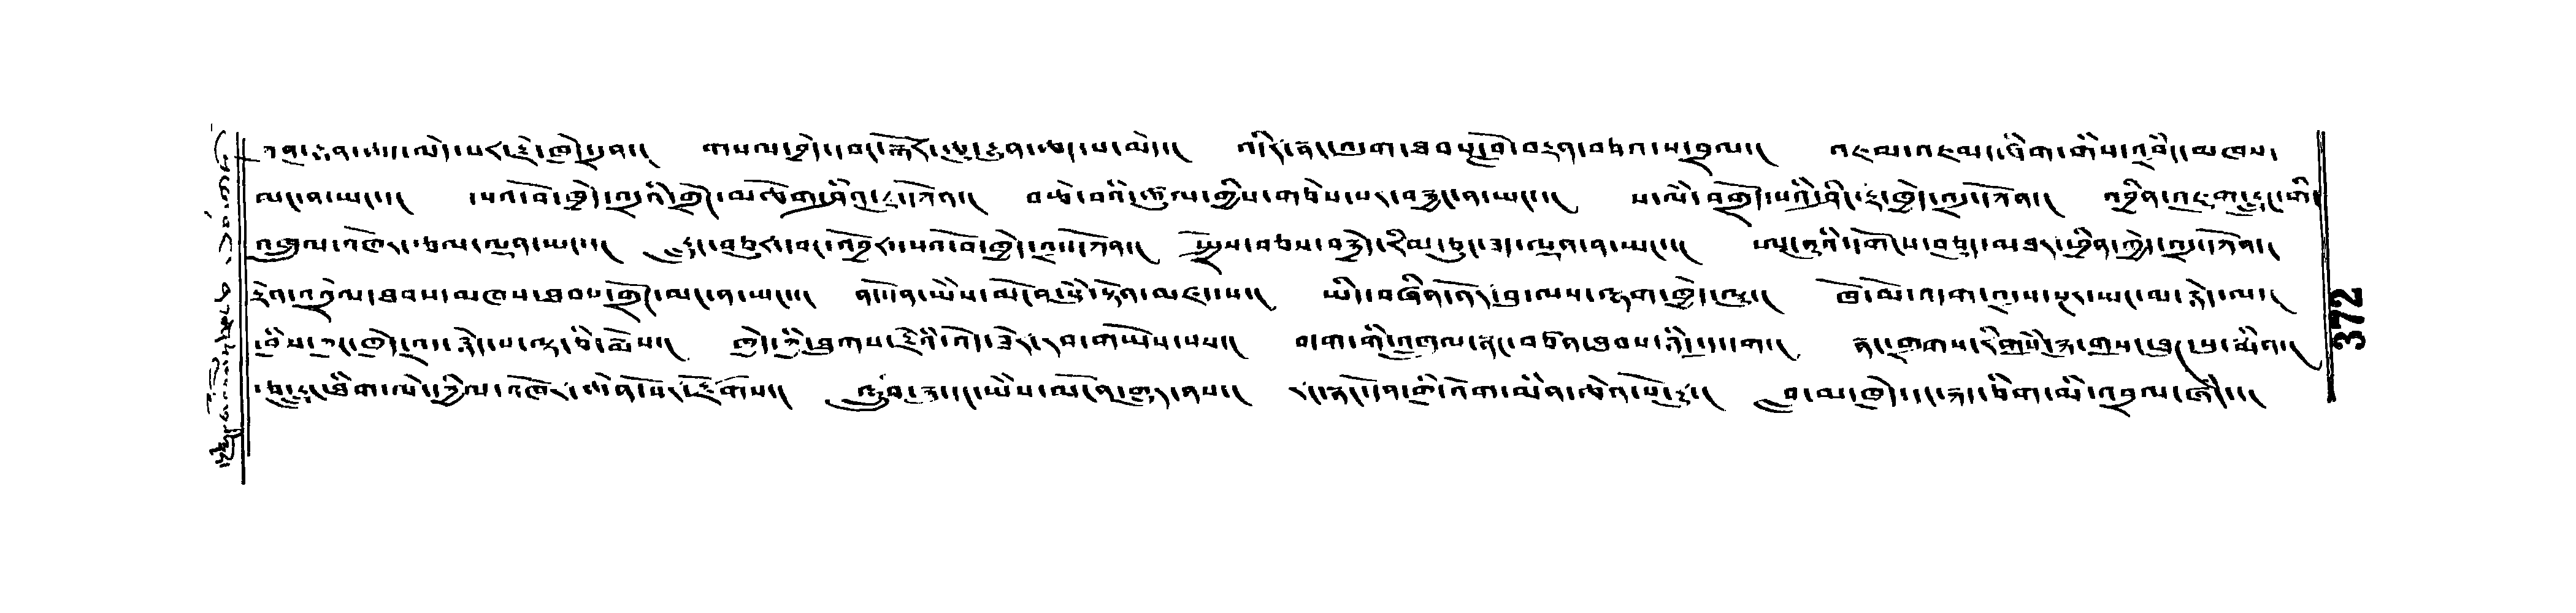ཀུན་རྒྱུན་ཆད་མེད་པར་རྗེ་ཁྱོད་དྲན། །གསལ་བྱེད་དབང་སྒོར་ཆུ་རྒྱུན་ཆད་པ་མེད། །འདིར་སྣང་འདུག་ཐབས་བློ་གཏད་བཅའ་ས་བྲལ། །འཇམ་འཇམ་ཚིག་གིས་འབྲིད་མཁས་
མང་ན་ཡང་། །དཔའ་བོ་ཁྱེད་འདྲའི་གྲོགས་མཆོག་ཤིན་ཏུ་དཀོན། །བརྩེ་བའི་ཚུལ་གྱིས་གཅེས་པར་བསྐྱངས་ན་ཡང་། །ས་ལམ་བགྲོད་པའི་ཤིང་རྟ་ཁྱེད་འདྲ་དཀོན། །འབྱིན་འཇུག་རླུང་གི་
འཁྲུལ་འཁོར་རྩལ་ལྡན་ཡང་། །རླུང་བཅུར་དབང་འབྱོར་དཔའ་བོ་ཁྱེད་འདྲ་དཀོན། །སྤྲོས་བཅས་བསྐྱེད་རིམ་ཅུང་ཟད་ལྡན་ན་ཡང་། །ཨ་ནུའི་དགོངས་བཅུད་མཐར་ཕྱིར་ཁྱེད་འདྲ་དཀོན། །
རྟེན་འབྲེལ་ཐབས་མཁས་ཐབས་གྲོགས་མང་ན་ཡང་། །ནང་དོན་ཡེ་ཤེས་མངོན་སུམ་སྟོན་མཛད་པ། །ཡིད་བཞིན་ནོར་བུ་ལས་ལྷག་ཁྱེད་ལྟ་བུ།ཁོ་མོ་བདག་འདྲས་སྔར་ཡང་མ་རྙེད་ལ། །
་ཀྱང་ཁྱེད་འདྲ་རྙེད་པ་ལྟ་ཅི་སྨོས། ཁྱེད་ཀྱི་ཐུགས་རྗེའི་འོད་ཟེར་རབ་གཡོས་པས། །བདག་གི་འཁྲུལ་སྣང་བཙན་ཐབས་ཉིད་དུ་དག །སྣང་གྲགས་རིག་གསུམ་སྐུ་གསུང་ཐུགས་སུ་སྨིན། །
རྩ་རླུང་ཐིག་ལེ་དཀྱིལ་འཁོར་ཆེན་པོར་རྫོགས། །ལྷུན་གྲུབ་སྐུ་དང་ཡེ་ཤེས་མངོན་གྱུར་ནས། །རང་སྣང་དོན་གྱི་འོག་མིན་ཆེན་པོ་རུ། བླ་མ་ཁྱེད་དང་སྐད་ཅིག་མི་འབྲལ་ཞིང་།